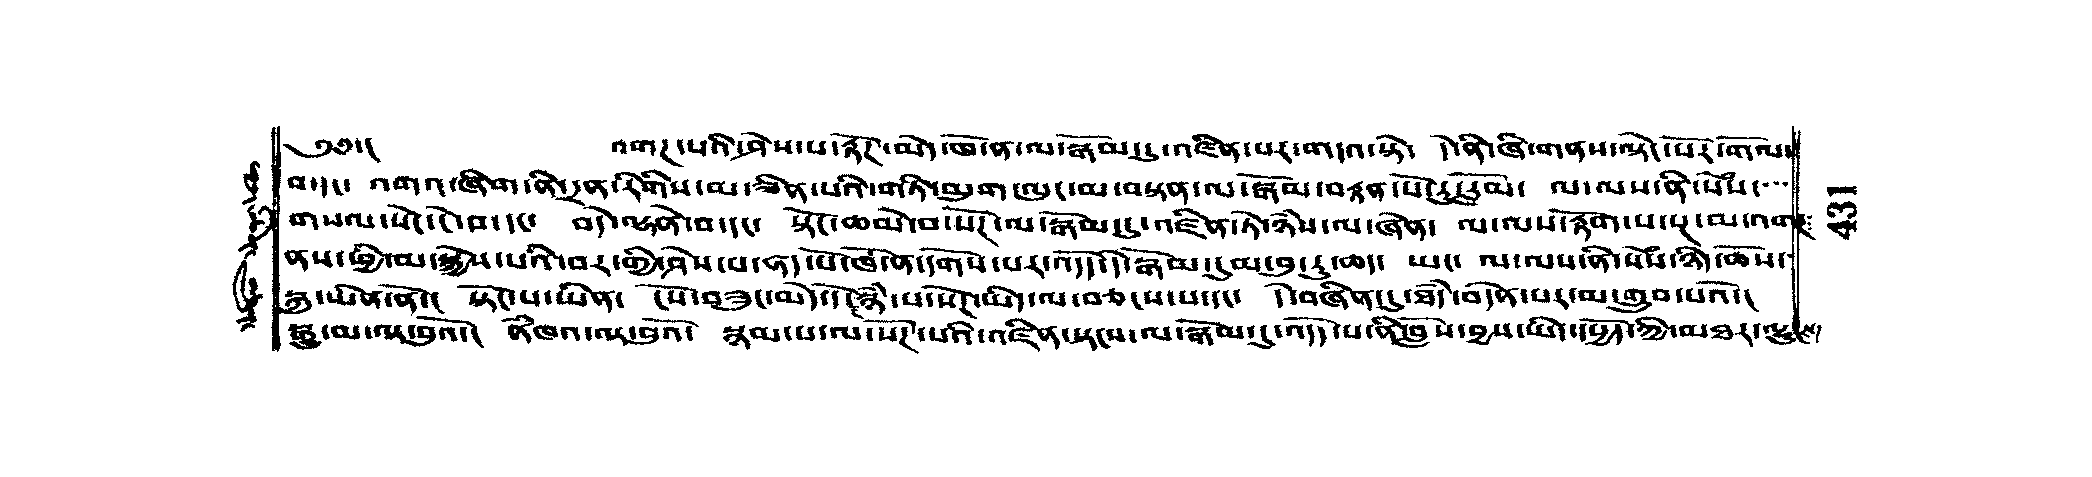འགགས་པའི་ཤེས་པ་རྟོག་མེད་ཁོ་ན་ལ་སྒོམ་དུ་འཛིན་པར་གདའ་སྟེ། དེ་ནི་ཞི་གནས་ལྟེང་པོར་གོལ་
བ་དང་། འགའ་ཞིག་ནི་དྲན་རིག་གིས་མ་ཟིན་པའི་གཏི་མུག་ལུང་མ་བསྟན་ལ་སྒོམ་བརྟན་པོ་རུ་རློམ། ལ་ལས་ནི་སེམས་
གསལ་སེང་ངེ་བ་དང་། བདེ་ལྷན་ནེ་བ་དང་། སྟོང་ཆམ་མེ་བ་སོགས་ལ་སྒོམ་དུ་འཛིན་ཏེ་ཉམས་ལ་ཞེན། ལ་ལས་རྟོག་པ་སྔ་མ་འགགས་
ནས་ཕྱི་མ་སྐྱེས་པའི་བར་གྱི་ཤེས་པ་ཧད་པོ་ཁོ་ན་དགོས་པར་འདོད་དེ་སྒོམ་དུམ་བུ་རུ་ཆད། ཡང་ལ་ལས་ནི་སེམས་ཉིད་ཆོས་
སྐུ་ཡིན་ནོ། སྟོང་པ་ཡིན། ངོས་བཟུང་མེད་དོ། སྙམ་པ་སོགས་ཡིད་ལ་བཅངས་པ་དང་། དེ་བཞིན་དུ་ཐམས་ཅད་བདེན་པར་མ་གྲུབ་པའོ། 
སྒྱུ་མ་ལྟ་བུའོ། ནམ་མཁའ་ལྟ་བུའོ་སྙམ་པ་ལ་སོགས་པའི་འཛིན་སྟངས་ལ་སྒོམ་དུ་འདོད་པ་ནི་བློས་བྱས་ཡིད་དཔྱོད་ཀྱི་མཐར་ལྷུངས།